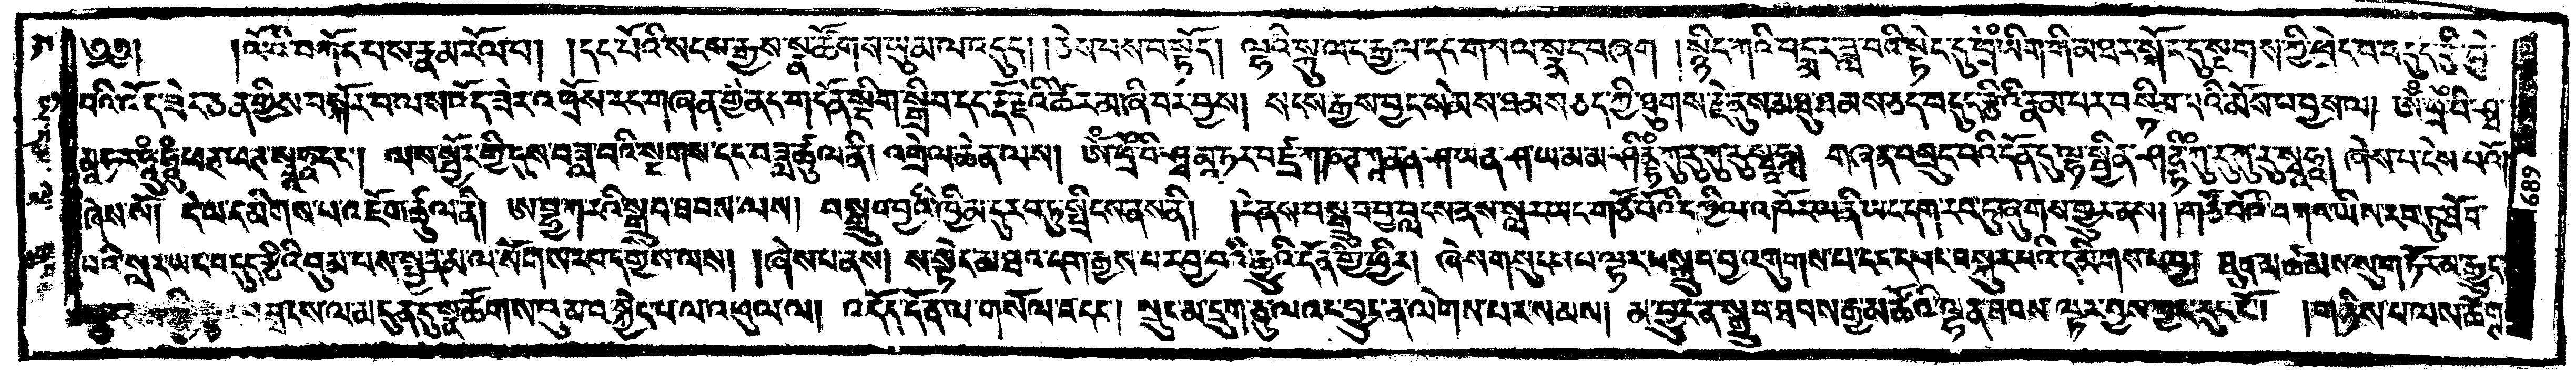༄༅། །ལོའི་བསྐོད་པས་རྣམ་རོལ་པ། །དང་པོའི་སངས་རྒྱས་སྣ་ཚོགས་ཡུམ་ལ་འདུད། །ཅེས་པས་བསྟོད། ལྷའི་སྐུ་ལང་རྒྱལ་དང་གསལ་སྣང་བཞག །སྙིང་ཀའི་པདམ་ར་ཟླ་བའི་སྟེང་དུ་ཕྲེཾ་ཡིག་གི་མཐར་སྐོར་དུ་སྔགས་ཀྱི་ཕྲེང་བ་བདུད་རྩི་བྱེ་
བའི་འོད་ཟེར་ཅན་གྱིས་བསྐོར་བ་ལས་འོད་ཟེར་འགྲོས་རང་གཞན་གྱི་ནང་གདོན་སྡིག་སྒྲིབ་དང་རྡོ་རྗེའི་ཚེར་མ་ཞི་བར་བྱས། སངས་རྒྱས་བྱང་སེམས་ཐམས་ཅད་ཀྱི་ཐུགས་རྗེ་ནུས་མཐུ་ཐམས་ཅད་བདུད་རྩིའི་རྣམ་པར་བསྟིམ་པའི་མོས་པ་བྱས་ལ། ཨོཾ་ཕྲཾ་བི་ཤྭ་
མཱ་ཏར་ཧཱུཾ་ཧཱུཾ་ཕཊ་སྭཱ་ཧཱ་དང་། ལས་སྦྱོར་གྱི་དུས་བཟླ་བའི་སྔགས་དང་བཟླ་ཚུལ་ནི། འགྲེལ་ཆེན་ལས། ཨོཾ་ཕྲཾ་བི་ཤྭ་མཱ་ཏར་བཛྲ་ཀ་ཎ་ཊཱ་ཀཱན་ན་ཤ་ཡ་མམ་ཤིནྟཾ་ཀུ་རུ་ཀུ་རུས་སྭཱ་ཧཱ། གཞན་བསྲུང་བའི་དོན་དུ་ལྷ་སྦྱིན་ཤནྟི་ཀུཾ་རུ་ཀུ་རུ་སྭཱཧཱ། ཞེས་པ་ངེས་པའོ།
ཞེས་སོ། དེ་ལ་དམིགས་པ་འཇོག་ཚུལ་ནི། ཨ་བྷྱ་ཀ་རའི་སྒྲུབ་ཐབས་ལས། བསྒྲུབ་བྱའི་ཁྱིམ་དུ་རབ་ཏུ་སྤྲིངས་ནས་ནི། །དེ་ནས་བསྒྲུབ་བྱ་བླངས་ནས་སླར་ཡང་གཙོ་བོའི་དཀྱིལ་འཁོར་ལ་ནི་ཡང་དག་རབ་ཏུ་ཞུགས་གྱུར་ནས། །གཙོ་བོའི་བཀའ་ཡིས་རབ་ཏུ་ཐོབ་
པའི་སླར་མང་བདུད་རྩིའི་བུམ་པས་སྤྱན་མ་ལ་སོགས་རབ་དགྱེས་པས། །ཞེས་པ་ནས། ས་སྟེང་མཐའ་དག་རྒྱས་པར་བྱ་བའི་རྒྱུའི་དོན་གྱི་ཕྱིར། ཞེས་གསུངས་པ་ལྟར་བསྒྲུབ་བྱ་འགུགས་པ་དང་དབང་བསྐུར་པའི་དམིགས་པ་བྱ། ཐུན་མཚམས་སུ་གཏོར་མ་རྒྱུད་
ལྟར་རམ་སྤྱི་ལྟར་བརླབས་ལམ་དུན་དུ་སྣ་ཚོགས་ཡུམ་བསྐྱེད་པ་ལ་འབུལ་ལ། འདོད་དོན་ལ་གསོལ་བ་དང་། སྲུང་མ་དྲུག་ཅུ་ལའང་བྱུང་ན་ལེགས་པར་སམས། མ་བྱུང་ན་སྒྲུབ་ཐབས་རྒྱ་མཚོའི་ལྷན་ཐབས་ལྟར་བྱས་ཀྱང་རུང་ངོ། །གཉིས་པ་ལས་ཚོགས་